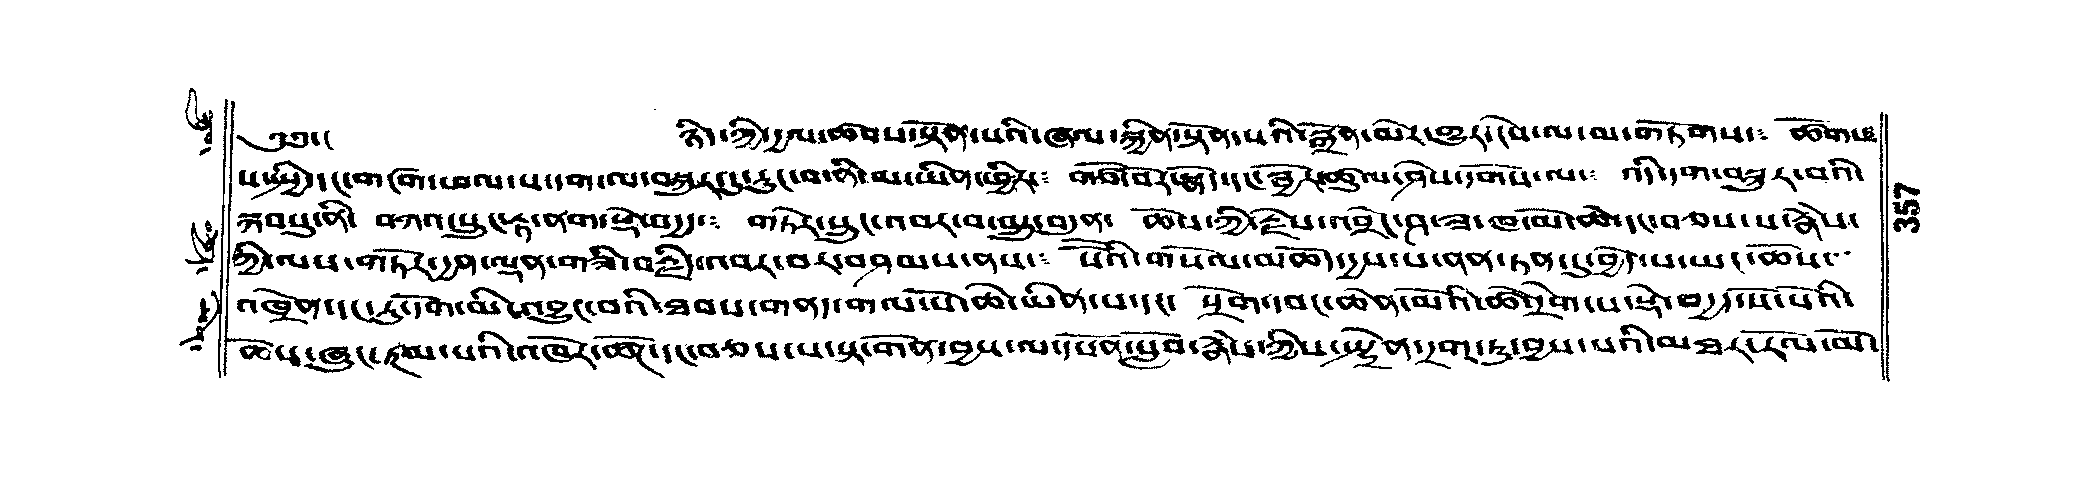ཉིད་ཀྱི་རྒྱལ་ཚབས་སྟོན་པའི་ཞལ་སྐྱིན་སྟོན་པའི་སྒྲོན་མེར་གྱུར་ངེས་ལ་མ་གཏོགས༴ ཚོགས་
ས་སྤྱི་དང་གང་ཟག་ཕལ་པ་དག་ལ་བསྐུར་དུ་རུང་བ་ནི་མ་ཡིན་ཕྱིར༴ གཙོ་བོར་སྣོ་དང་སྦྱོར་ཚུལ་ཤེས་དགོས་ལ༴ འདི་དག་བསྐུར་བའི་
སྐབས་སུ་ནི། བཀའ་སྲུང་རྟ་ནག་སྡེ་བརྒྱད༴ གཏེར་སྲུང་འབར་བ་བླ་བདུན། ཆོས་ཀྱི་རྗེས་འབྲེང་ཤ་ཟ་ཁ་མོ་ཚེ་དང་བཅས་པ་རྣམས་
ཀྱི་ལས་གཏོར་རྒྱན་དལན་གཟི་བརྗིད་འབར་བར་བཤམས་ནས༴ སོ་སོའི་གསོལ་མཆོད་རྒྱས་པ་ནན་ཏན་དུ་བྱེད་པ་ཡང་ཆོས་
འཁྲེན་དང་རུ་དོག་མི་འབྱུང་བའི་ཐབས་གནད་གལ་པོ་ཆེ་ཡིན་པ་དང་། སྲོག་དབང་ཆེན་མོའི་ཚེ་དྲེག་པ་སྡེ་བརྒྱད་སོ་སོའི་
ཆོས་ཞུགས་རྔམ་པའི་འཁོར་ཚོགས་དང་བཅས་པ་སྟ་གོན་བྱས་ལ་དཔོན་སློབ་རྣམས་ཀྱི་སྤྱན་དྲེན་དྲག་ཏུ་བྱས་པའི་མཐར་རོལ་མོ་